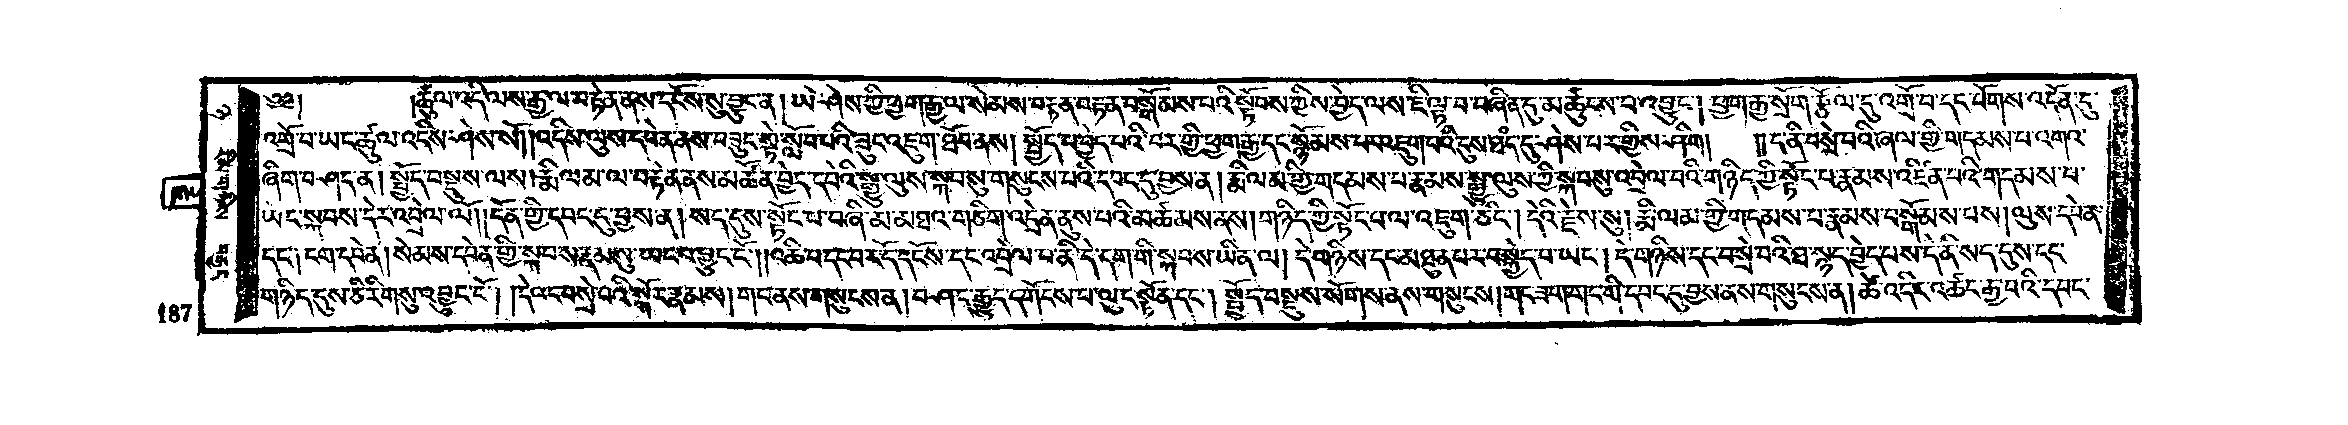༄༅། །ཚུལ་འདི་ལས་རྒྱ་ལ་བརྟེན་ནས་དངོས་སུ་བྱུང་ན། ཡེ་ཤེས་ཀྱི་ཕྱག་རྒྱ་ལ་སེམས་བརྟན་བརྟན་བསྒོམས་པའི་སྟོབས་ཀྱིས་བྱེད་ལས་ཇི་ལྟ་བ་བཞིན་དུ་མཚུངས་པ་འབྱུང་། ཕྱག་རྒྱ་སྲོག་རྩོལ་དུ་འགྲོ་བ་དང་བོགས་འདོན་དུ་
འགྲོ་བ་ཡང་ཚུལ་འདིས་ཤེས་སོ། །འདིས་ལུས་དབེན་ནས་བཟུང་སྟེ་སློབ་པའི་ཟུང་འཇུག་ཐོབ་ནས། སྤྱོད་པ་བྱེད་པའི་བར་གྱི་ཕྱག་རྒྱ་དང་སྙོམས་པར་འཇུག་པའི་དུས་ཐམས་ཅད་དུ་ཤེས་པར་གྱིས་ཤིག ། །།ད་ནི་བསྲེ་བའི་ཞལ་གྱི་གདམས་པ་འགའ་
ཞིག་བཤད་ན། སྤྱོད་བསྡུས་ལས། རྨི་ལམ་ལ་བརྟེན་ནས་མཚོན་བྱེད་དཔེའི་སྒྱུ་ལུས་སྐབས་སུ་གསུངས་པའི་དབང་དུ་བྱས་ན། རྨི་ལམ་གྱི་གདམས་པ་རྣམས་སྒྱུ་ལུས་ཀྱི་སྐབས་སུ་འབྲེལ་བའི་གཉིད་ཀྱི་སྟོང་པ་རྣམས་འཛིན་པའི་གདམས་པ་
ཡང་སྐབས་དེར་འབྲེལ་ལོ། །དོན་གྱི་དབང་དུ་བྱས་ན། སད་དུས་སྟོང་པ་བཞི་མ་མཐའ་གཅིག་འདྲེན་ནུས་པའི་མཚམས་ནས། གཉིད་ཀྱི་སྟོང་པ་ལ་འཇུག་ཅིང་། དེའི་རྗེས་སུ། རྨི་ལམ་གྱི་གདམས་པ་རྣམས་བསྒོམས་པས། ལུས་དབེན་
དང་། ངག་དབེན། སེམས་དབེན་གྱི་སྐབས་རྣམས་སུ་ཡང་འབྱུང་ངོ། །འཆི་བ་དང་བར་དོ་དངོས་དང་འབྲེལ་བ་ནི་དེ་དག་གི་སྐབས་ཡིན་ལ། དེ་གཉིས་དང་མཐུན་པར་བསྐྱེད་པ་ཡང་། དེ་གཉིས་དང་བསྲེ་བའི་ཐ་སྙད་བྱེད་པས་དེ་ནི་སད་དུས་དང་
གཉིད་དུས་ཅི་རིགས་སུ་འབྱུང་ངོ། །དེའང་བསྲེ་བའི་སྐོར་རྣམས། གང་ནས་གསུངས་ན། བཤད་རྒྱུད་དགོངས་པ་ལུང་སྟོན་དང་། སྤྱོད་བསྡུས་སོགས་ནས་གསུངས། གང་ཟག་གང་གི་དབང་དུ་བྱས་ནས་གསུངས་ན། ཚེ་འདིར་འཚང་རྒྱ་བའི་དབང་